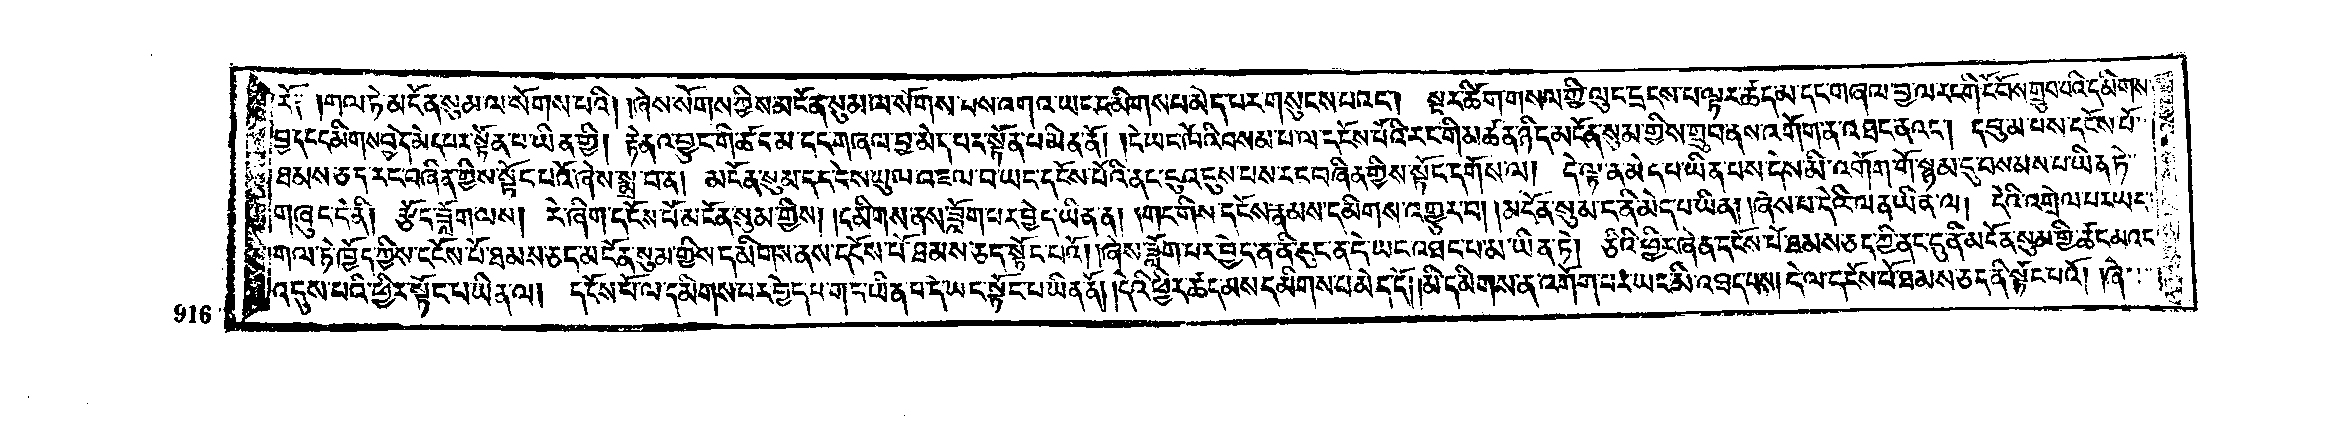རོ༑ ༑གལ་ཏེ་མངོན་སུམ་ལ་སོགས་པའི། །ཞེས་སོགས་ཀྱིས་མངོན་སུམ་ལ་སོགས་པས་འགའ་ཡང་དམིགས་པ་མེད་པར་གསུངས་པའང་། སྔར་ཚིག་གསལ་གྱི་ལུང་དྲངས་པ་ལྟར་ཚད་མ་དང་གཞལ་བྱ་ལ་རང་གི་ངོ་བོས་གྲུབ་པའི་དམིགས་
བྱ་དང་དམིགས་བྱེད་མེད་པར་སྟོན་པ་ཡིན་གྱི། རྟེན་འབྱུང་གི་ཚད་མ་དང་གཞལ་བྱ་མེད་པར་སྟོན་པ་མིན་ནོ། །དེ་ཡང་ཁོའི་བསམ་པ་ལ་དངོས་པོའི་རང་གི་མཚན་ཉིད་མངོན་སུམ་གྱིས་གྲུབ་ནས་འགོག་ན་འཐད་ནའང་། དབུ་མ་པས་དངོས་པོ་
ཐམས་ཅད་རང་བཞིན་གྱིས་སྟོང་པའོ་ཞེས་སྨྲ་བ་ན། མངོན་སུམ་དང་དེས་ཡུལ་འཇལ་བ་ཡང་དངོས་པོའི་ནང་དུ་འདུས་པས་རང་བཞིན་གྱིས་སྟོང་དགོས་ལ། དེ་ལྟ་ན་མེད་པ་ཡིན་པས་དེས་མི་འགོག་གོ་སྙམ་དུ་བསམས་པ་ཡིན་ཏེ་
གཞུང་དེ་ནི། རྩོད་ཟློག་ལས། རེ་ཞིག་དངོས་པོ་མངོན་སུམ་གྱིས། །དམིགས་ནས་ཟློག་པར་བྱེད་ཡིན་ན། །གང་གིས་དངོས་རྣམས་དམིགས་འགྱུར་བ། །མངོན་སུམ་དེ་ནི་མེད་པ་ཡིན། །ཞེས་པ་དེའི་ལན་ཡིན་ལ། དེའི་འགྲེལ་པར་ཡང་
གལ་ཏེ་ཁྱོད་ཀྱིས་དངོས་པོ་ཐམས་ཅད་མངོན་སུམ་གྱིས་དམིགས་ནས་དངོས་པོ་ཐམས་ཅད་སྟོང་པའོ། །ཞེས་ཟློག་པར་བྱེད་ན་ནི་རུང་ན་དེ་ཡང་འཐད་པ་མ་ཡིན་ཏེ། ཅིའི་ཕྱིར་ཞེ་ན་དངོས་པོ་ཐམས་ཅད་ཀྱི་ནང་དུ་ནི་མངོན་སུམ་གྱི་ཚད་མའང་
འདུས་པའི་ཕྱིར་སྟོང་པ་ཡིན་ལ། དངོས་པོ་ལ་དམིགས་པར་བྱེད་པ་གང་ཡིན་པ་དེ་ཡང་སྟོང་པ་ཡིན་ནོ། །དེའི་ཕྱིར་ཚད་མས་དམིགས་པ་མེད་དོ། །མི་དམིགས་ན་འགོག་པར་ཡང་མི་འཐད་པས། དེ་ལ་དངོས་པོ་ཐམས་ཅད་ནི་སྟོང་པའོ། །ཞེས་